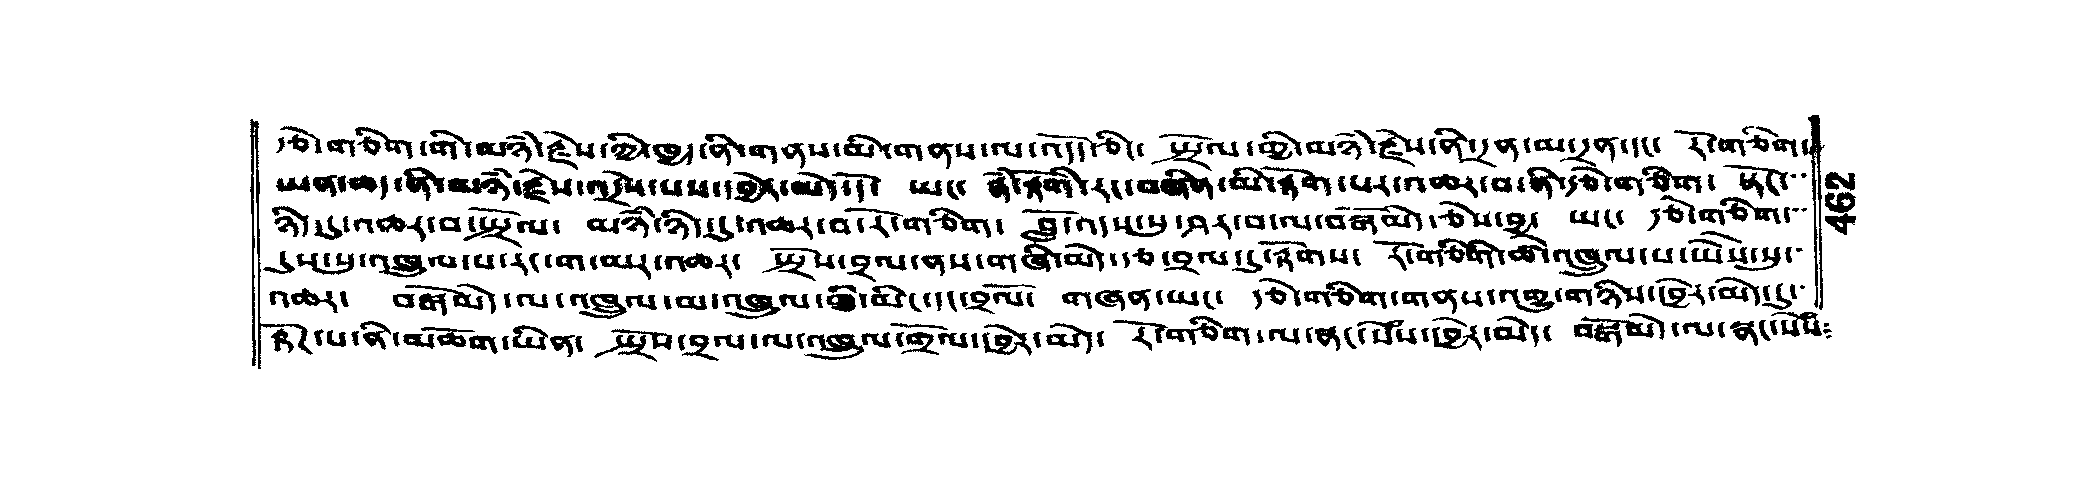རྩེ་གཅིག་གི་མཉམ་རྗེས་ཀྱི་ཁྱད་ནི་གནས་མི་གནས་ལ་འདོད་ཅིང་། སྤྲོས་བྲལ་གྱི་མཉམ་རྗེས་ནི་དྲན་མ་དྲན་དང་། རོ་གཅིག་
ཡན་ཆད་ནི་མཉམ་རྗེས་འདྲེས་པས་དབྱེར་མེད་དོ། ཡང་རྣམ་རྟོག་གི་རང་བཞིན་མི་རྟོག་པར་འཆར་བ་ནི་རྩེ་གཅིག སྟོང་
ཉིད་དུ་འཆར་བ་སྤྲོས་བྲལ། མཉམ་ཉིད་དུ་འཆར་བ་རོ་གཅིག བློ་འདས་སུ་ཤར་བ་ལ་བསྒོམ་མེད་ཅེས་བྱ། ཡང་རྩེ་གཅིག་
དུས་སུ་འཁྲུལ་པ་རང་ག་མར་མཆར། སྤྲོས་བྲལ་ནས་གཞི་མེད་རྩ་བྲལ་དུ་རྟོགས། རོ་གཅིག་གི་ཚེ་འཁྲུལ་པ་ཡེ་ཤེས་སུ་
འཆར། བསྒོམ་མེད་ལ་འཁྲུལ་མ་འཁྲུལ་གྱི་མིང་དང་བྲལ་ལོ། གཞན་ཡང་རྩེ་གཅིག་གནས་འགྱུ་གཉིས་དབྱེར་མེད་དུ་
རྟོགས་པ་ནི་མཆོག་ཡིན། སྤྲོས་བྲལ་ལ་འཁྲུལ་གྲོལ་དབྱེར་མེད། རོ་གཅིག་ལ་སྣང་སེམས་དབྱེར་མེད།བསྒོམ་མེད་ལ་སྣང་སེམས་